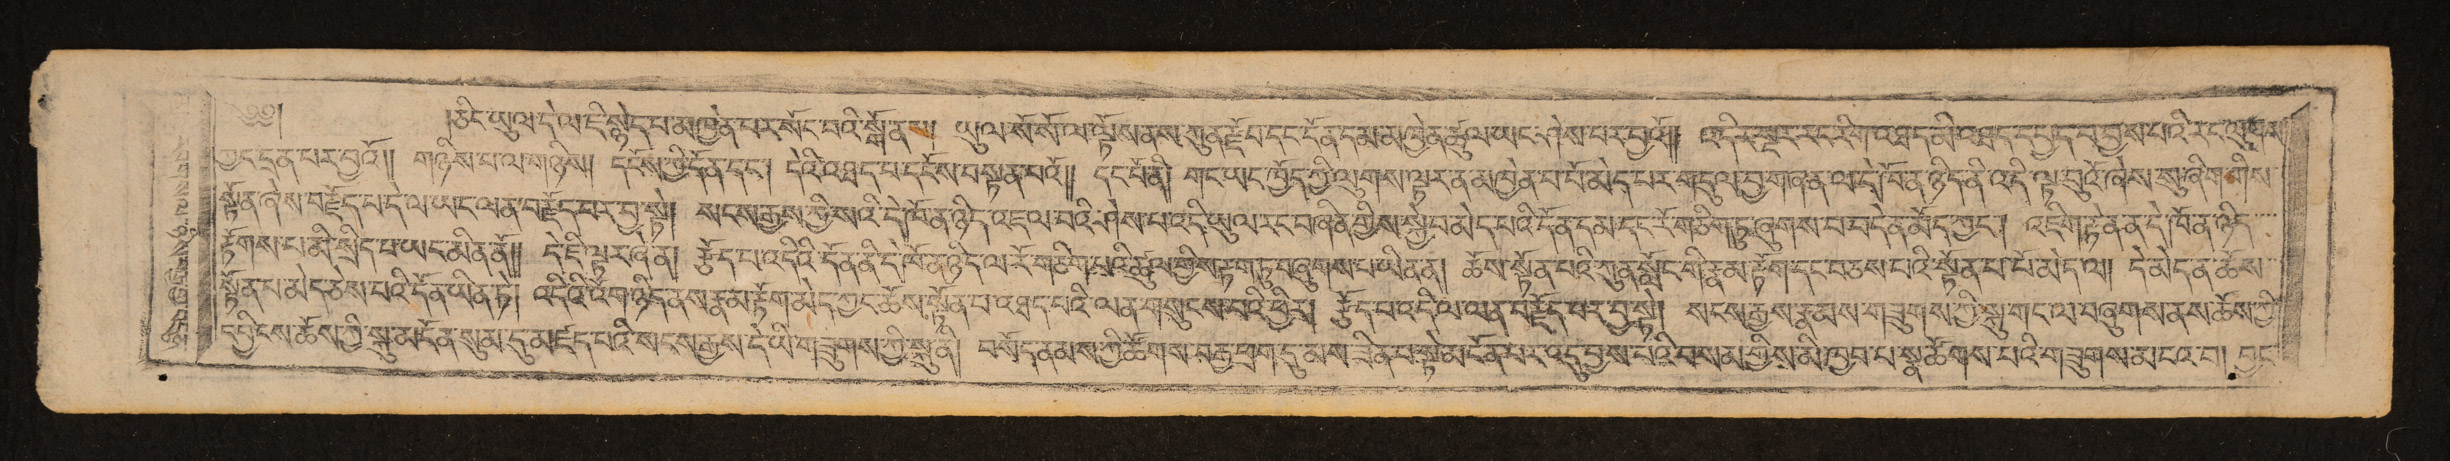༄༅། །ཅིང་ཡུལ་དེ་ལ་ཇི་སྙེད་པ་མཁྱེན་པར་སོང་བའི་སྒོ་ནས། ཡུལ་སོ་སོ་ལ་ལྟོས་ནས་ཀུན་རྫོབ་དང་དོན་དམ་མཁྱེན་ཚུལ་ཡང་ཤེས་པར་བྱའོ།། འདིར་སྔར་རང་རིག་འཐད་མི་འཐད་དཔྱད་པ་བྱས་པའི་རང་ལུགས་
ཀྱང་དྲན་པར་བྱའོ།། གཉིས་པ་ལ་གཉིས། དངོས་ཀྱི་དོན་དང་། དེའི་འཐད་པ་དངོས་བསྟན་པའོ།། དང་པོ་ནི། གང་ཡང་ཁྱོད་ཀྱི་ལུགས་ལྟར་ན་མཁྱེན་པ་པོ་མེད་པར་གདུལ་བྱ་གཞན་ལ་དེ་ཁོ་ན་ཉིད་ནི་འདི་ལྟ་བུའོ་ཞེས་སུ་ཞིག་གིས་
སྟོན་ཞེས་བརྗོད་པ་དེ་ལ་ཡང་ལན་བརྗོད་པར་བྱ་སྟེ། སངས་རྒྱས་ཀྱི་སའི་དེ་ཁོ་ན་ཉིད་འཇལ་བའི་ཤེས་པ་འདི་ཡུལ་རང་བཞིན་གྱིས་སྐྱེ་བ་མེད་པའི་དོན་དམ་དང་རོ་གཅིག་ཏུ་ཞུགས་པ་བདེན་མོད་ཀྱང་། །འཇིག་རྟེན་ན་དེ་ཁོ་ན་ཉིད་
རྟོགས་པ་མི་སྲིད་པ་ཡང་མིན་ནོ།། དེ་ཇི་ལྟར་ཞེ་ན། རྩོད་པ་འདིའི་དོན་ནི་དེ་ཁོ་ན་ཉིད་ལ་རོ་གཅིག་པའི་ཚུལ་གྱིས་རྟག་ཏུ་བཞུགས་པ་ཡིན་ན། ཆོས་སྟོན་པའི་ཀུན་སློང་གི་རྣམ་རྟོག་དང་བཅས་པའི་སྟོན་པ་པོ་མེད་ལ། དེ་མེད་ན་ཆོས་
སྟོན་པ་མེད་ཅེས་པའི་དོན་ཡིན་ཏེ། འདིའི་འོག་ཉིད་ནས་རྣམ་རྟོག་མེད་ཀྱང་ཆོས་སྟོན་པ་འཐད་པའི་ལན་གསུངས་པའི་ཕྱིར། རྩོད་པ་འདི་ལ་ལན་བརྗོད་པར་བྱ་སྟེ། སངས་རྒྱས་རྣམས་གཟུགས་ཀྱི་སྐུ་གང་ལ་བཞུགས་ནས་ཆོས་ཀྱི་
དབྱིངས་ཆོས་ཀྱི་སྐུ་མངོན་སུམ་དུ་མཛད་པའི་སངས་རྒྱས་དེ་ཡི་གཟུགས་ཀྱི་སྐུ་ནི། བསོད་ནམས་ཀྱི་ཚོགས་བརྒྱ་ཕྲག་དུ་མས་ཟིན་པ་སྟེ་མངོན་པར་འདུ་བྱས་པའི་བསམ་གྱིས་མི་ཁྱབ་པ་སྣ་ཚོགས་པའི་གཟུགས་མངའ་བ། བྱང་